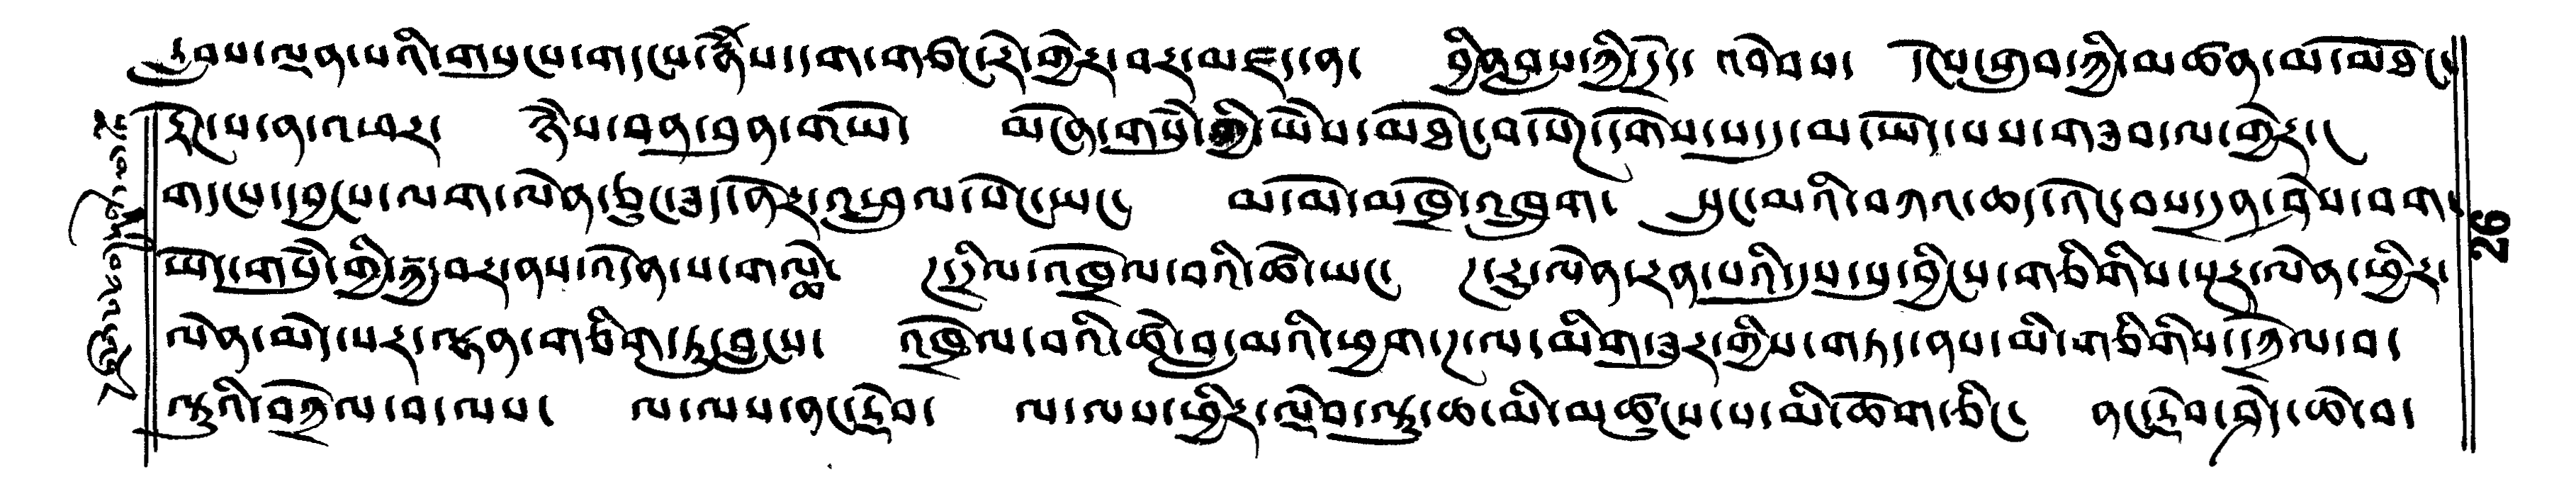རླབས་ལྡན་པའི་གསུང་གདངས་རྣམས་དག་གཙང་རེ་གྱེར་བར་མཛད་ན། བྱིན་རླབས་ཀྱི་དྲོད་འབེབས། དངོས་གྲུབ་ཀྱི་མཚན་མ་མཐོང་། 
རྟོགས་པ་ན་འཕར། ཉམས་བན་བུན་གཡོ། མངོན་གསུམ་གྱི་ཡེ་ཤེས་མཐོང་བ་སོགས་དགོས་པ་དུ་མ་ཡོད་པས་གཟབ་ལ་གྱེར། 
གདངས་དབྱངས་ལག་ལེན་ཅུང་ཟད་ནོར་འཕྲུལ་སོང་ཡང་། མ་མོ་མཁའ་འགྲོ་འཁྲུག སྲུང་མའི་བཀའ་ཆད་འོང་བས་དྲན་ཤེས་བག་
ཡོད་གསུམ་གྱི་སྐྱ་བར་ནས་འདོན་པ་གལ་ཆེ། ཌཱ་དྲིལ་དཀྲཽལ་བའི་ཚེ་ཡང་། ཌཱ་རུ་ལེན་རན་པའི་དུས་སུ་བྱིངས་ནས་གཅིག་གིས་ཀྱང་སྔ་ལེན་ཕྱི་
ལེན་མེད་པར་ལྷན་གཅིག་ཏུ་བླང་། དཀྲོལ་བའི་ཚེ་བླ་མའི་ཕྱག་ཌཱ་ལ་མིག་ཟུར་གྱིས་གཏད་ནས་མི་གཅིག་གིས་དཀྲོལ་བ་
ལྟ་བུ་ལས། ལ་ལས་ནང་རྡེབ། ལ་ལས་ཕྱིར་རྡེབ་ལྟ་བུ་ཆ་མི་མཚུངས་པ་མི་ཆོག་ཅིང་། ནང་རྡབ་ཤེད་ཆེ་བ་